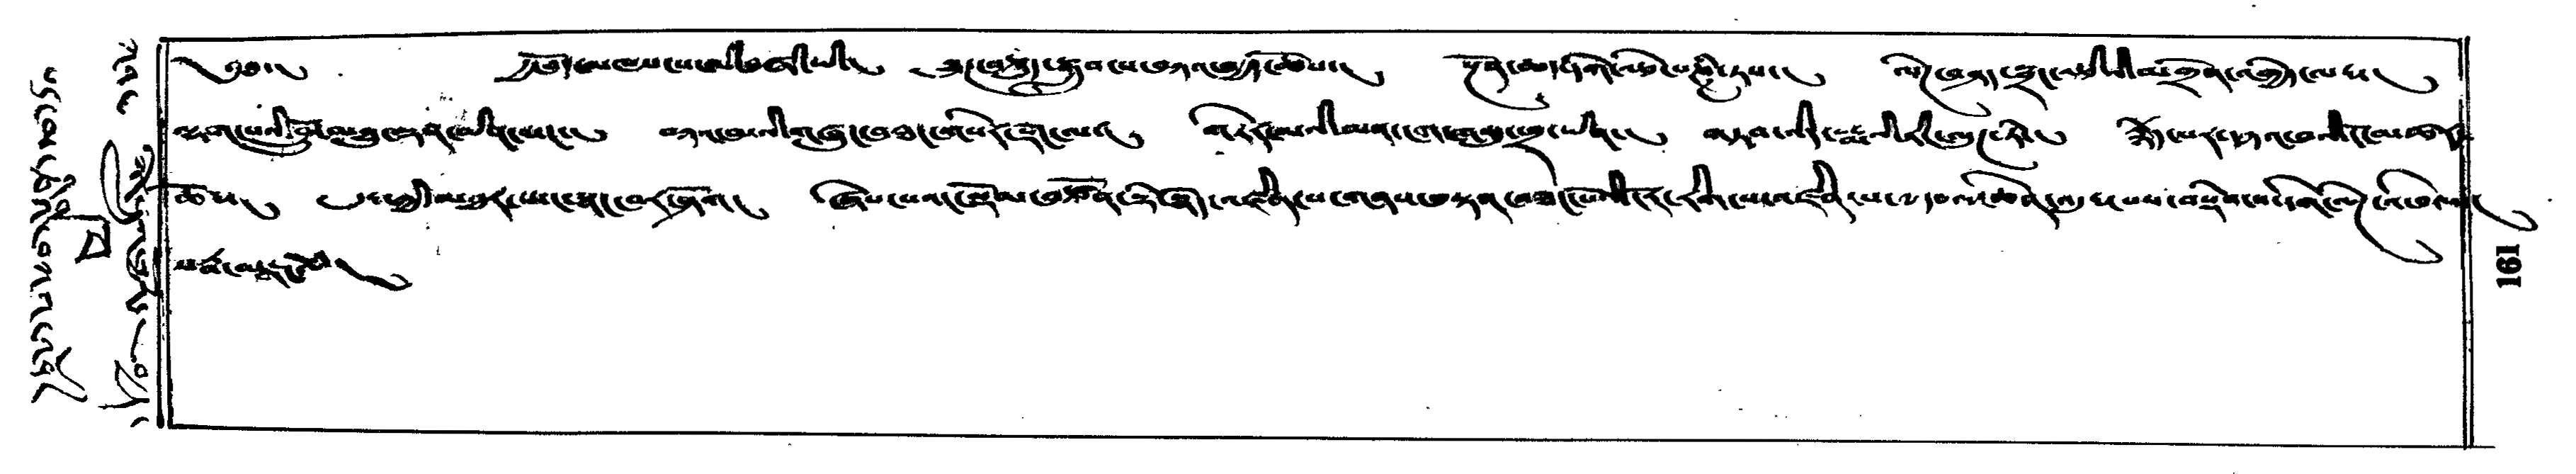༼༡༦༡ ༡༦༢༽རྒྱ་བོད་མཁས་པ་མི་བཞི་ཡི། །ཐུགས་བཅུད་སྒྲུབ་པ་བཀའ་བརྒྱད་ཆོས། །སྔོན་ཆད་དགེ་རྩེ་པཎྜི་ཏའི། །ལེགས་བཤད་སྦྲང་རྩིའི་མགྲོན་འགྱེད་ལས། །
ལྷག་འདི་བླ་མའི་མཐུ་ཡིན་ཡང་། །བཀའ་མའི་གཞུང་བཟང་གསེར་སྡོང་ལ། །གཏེར་མའི་མན་ངག་གཡུ་ཕྲ་ཡིས། །གཏབ་འདི་པདྨའི་རིང་ལུགས་ཏེ། །རྙེད་པར་དཀའ་བའི་ངོ་མཚར་
ཆོས། །དུས་ཀྱི་མཐར་ཡང་སྣང་བར་ཤོག །ཅེས་པའང་སྡོམ་བརྩོན་སྡེ་སྣོད་འཛིན་པ་གནས་བསྟན་བཟང་པོའི་ངོར་རིག་པ་འཛིན་པ་དཔལ་ཆེན་འདུས་པས་བསྡེབས་པ་དགེ་ལེགས་འཕེལ།། 
སརྦ་མངྒ་ལཾ།། །།